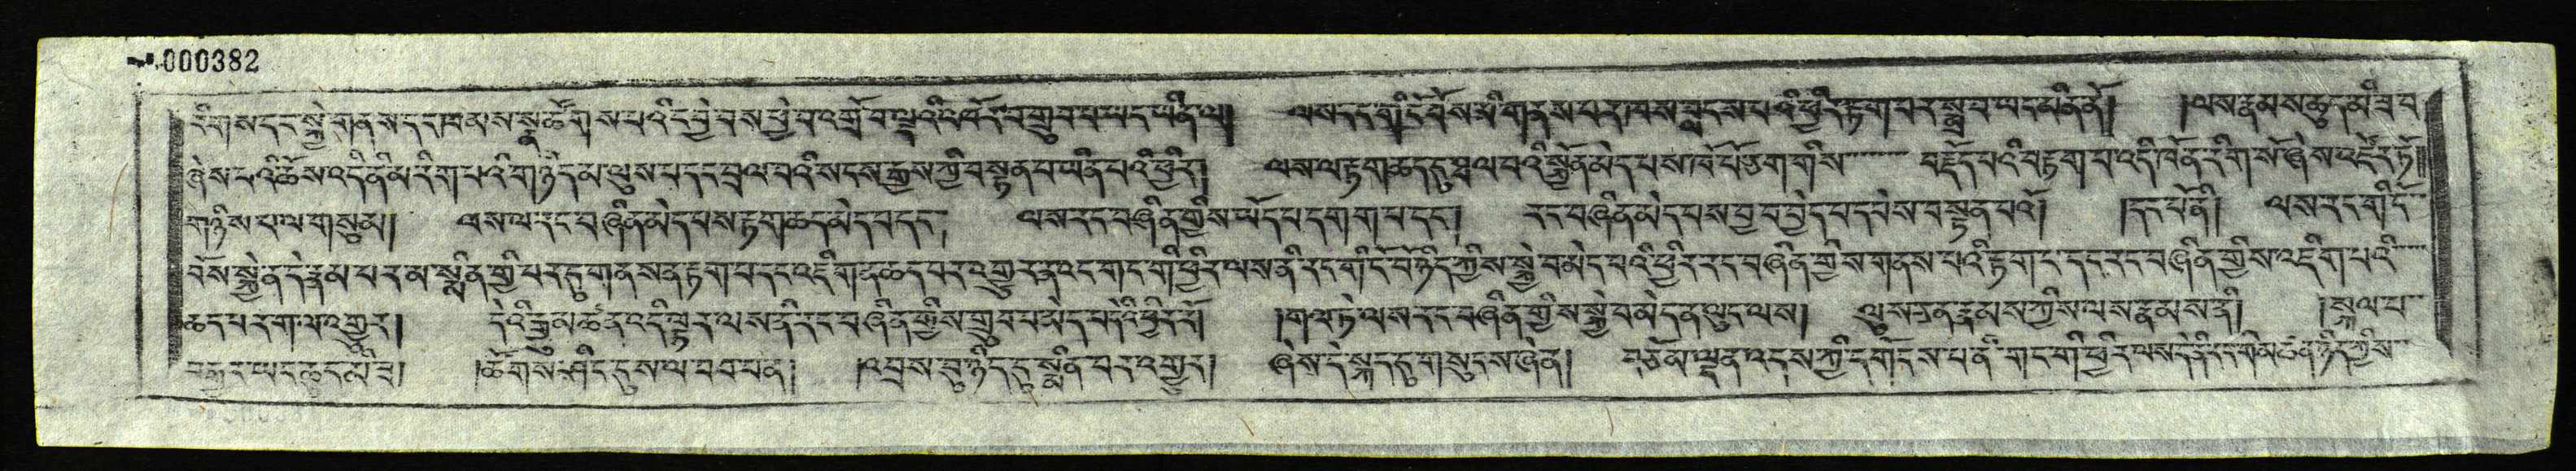རིགས་དང་སྐྱེ་གནས་དང་ཁམས་སྣ་ཚོགས་པའི་དབྱེ་བས་ཕྱེ་བ་འགྲོ་བ་ལྔའི་འཁོར་བ་གྲུབ་པ་ཡང་ཡིན་ལ། ལས་དང་གི་ངོ་བོས་མི་གནས་པར་ཁས་བླངས་པའི་ཕྱིར་རྟག་པར་སྨྲ་བ་ཡང་མིན་ནོ། །ལས་རྣམས་ཆུད་མི་ཟ་བ་
ཞེས་པའི་ཆོས་འདི་ནི་མ་རིག་པའི་གཉིད་མ་ལུས་པ་དང་བྲལ་བའི་སངས་རྒྱས་ཀྱི་བསྟན་པ་ཡིན་པའི་ཕྱིར། ལས་ལ་རྟག་ཆད་དུ་ཐལ་བའི་སྐྱོན་མེད་པས་ཁོ་བོ་ཅག་གིས་བརྗོད་པའི་བརྟག་པ་འདི་ཁོ་ན་རིག་སོ་ཞེས་འཛེར?་ཏོ།།
གཉིས་པ་ལ་གསུམ། ལས་ལ་རང་བཞིན་མེད་པས་རྟག་ཆད་མེད་པ་དང་། ལས་རང་བཞིན་གྱིས་ཡོད་པ་དགག་པ་དང་། རང་བཞིན་མེད་པས་བྱ་བ་བྱེད་པ་དཔེས་བསྟན་པའོ། །དང་པོ་ནི། ལས་རང་གི་ངོ་
བོས་སྐྱེ་ན་དེ་རྣམ་པར་མ་སྨིན་གྱི་པར་དུ་གནས་ན་རྟག་པ་དང་འཇིག་ན་ཆད་པར་འགྱུར་ནའང་གང་གི་ཕྱིར་ལས་ནི་རང་གི་ངོ་བོ་ཉིད་ཀྱིས་སྐྱེ་བ་མེད་པའི་ཕྱིར་རང་བཞིན་གྱིས་གནས་པའི་རྟག་པ་དང་རང་བཞིན་གྱིས་འཇིག་པའི་
ཆད་པར་ག་ལ་འགྱུར། དེའི་རྒྱུ་མཚན་འདི་ལྟར་ལས་ནི་རང་བཞིན་གྱིས་གྲུབ་པ་མེད་པ་དེའི་ཕྱིར་རོ། །གལ་ཏེ་ལས་རང་བཞིན་གྱིས་སྐྱེ་བ་མེད་ན་ལུང་ལས། ལུས་ཅན་རྣམས་ཀྱིས་ལས་རྣམས་ནི། །སྐལ་པ་
བརྒྱད་ཡང་ཆུད་མི་ཟ། །ཚོགས་ཤིང་དུས་ལ་བབ་པ་ན། །འབྲས་བུ་ཉིད་དུ་སྨིན་པར་འགྱུར། ཞེས་དེ་སྐད་དུ་གསུངས་ཞེ་ན། བཅོམ་ལྡན་འདས་ཀྱི་དགོངས་པ་ནི་གང་གི་ཕྱིར་ལས་དེ་ནི་རང་གི་མཚན་ཉིད་ཀྱིས་